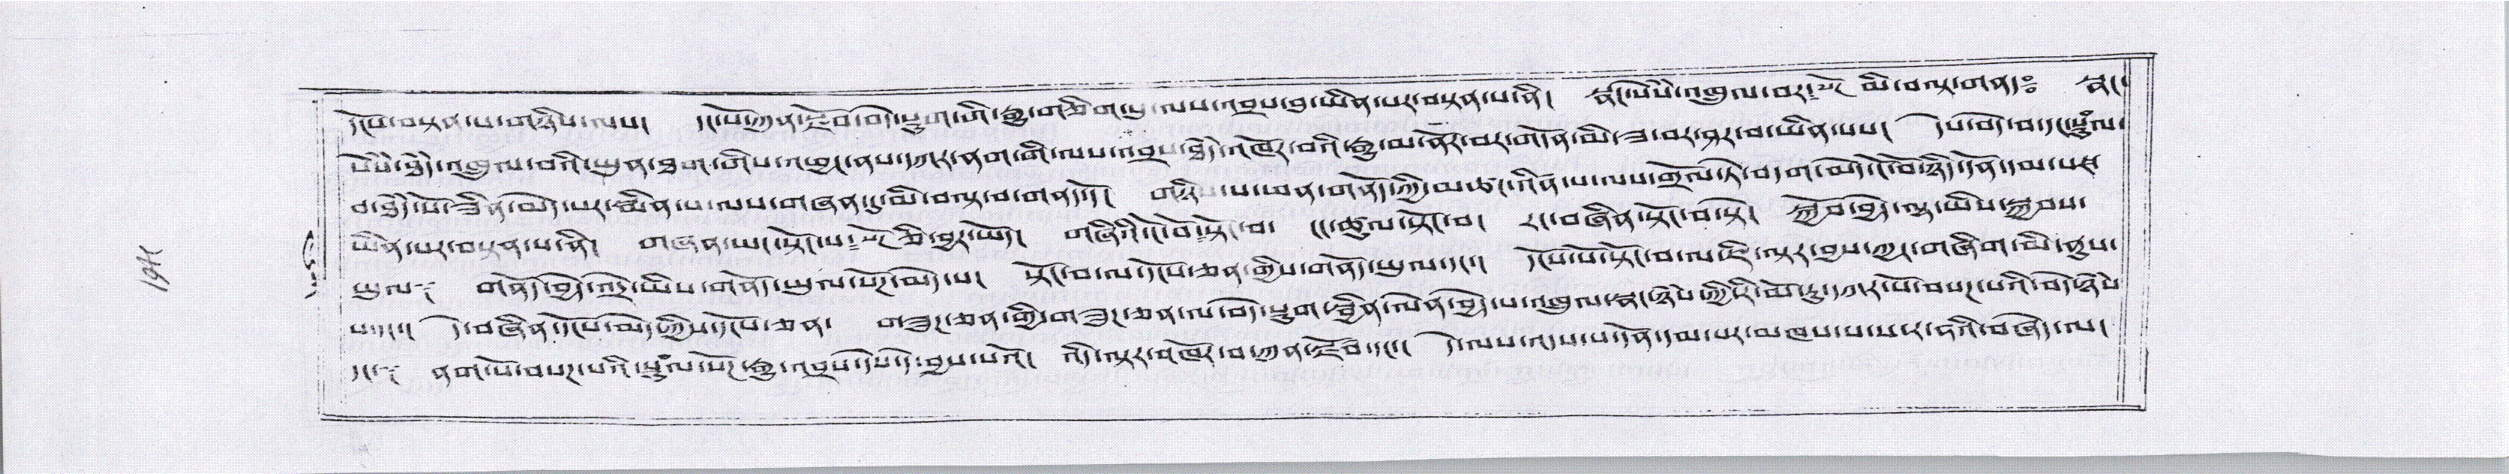དངོས་བསྟན་པ་གཉིས་ལས། དང་པོ་ཀུན་རྫོབ་བདེ་སྡུག་གི་རྒྱུ་གཅིག་པུ་ལས་འབྲས་བུ་ཡིན་པར་བསྟན་པ་ནི། སྣང་སེམས་འཁྲུལ་པར་སོགས་མི་བལྟ་གནད། སྣང་
སེམས་ཐམས་ཅད་འཁྲུལ་པའི་སྤུན་ཐག་གིས་འཕྱང་ནས་དཀར་ནག་གི་ལས་འབྲས་འཁོར་བའི་རྒྱུ་མ་ནོར་བར་གདོན་མི་ཟ་བར་ཤར་བ་ཡིན་པས། དེས་བདེ་བ་དང་སྡུག་བསྔལ་
བ་ཐམས་ཅད་སོ་ཟིན་མེད་པར་སྨིན་པ་ལས་གཞན་དུ་མི་ལྟ་བ་གནད་དོ། གཉིས་པ་ཕན་གནོད་ཀྱི་འཚང་འཛིན་པ་ལས་བདག་མེད་ངོ་བོ་ཉིད་ཀྱི་དོན་དམ་པར་
ཡིན་པར་བསྟན་པ་ནི། གཞན་ཡང་སྟོང་པ་སོགས་ཅི་བྱར་ཡོད། གཞིའི་ངོ་བོ་སྟོང་པ། ངང་ཚུལ་སྟོང་པ། རང་བཞིན་སྟོང་པ་སྟེ། སྐྱོབ་བྱེད་ལྷ་ཡིས་སྐྱབས་
ཡུལ། གནོད་བྱེད་འདྲེ་ཡིས་གནོད་ཡུལ་སོགས་མེད་པ། སྟོང་པ་ལ་དངོས་ཅན་གྱིས་གནོད་ཡུལ་དང་། དངོས་པོ་སྟོང་པ་ལ་ཇི་ལྟར་བྱས་ཀྱང་གཞིག་མི་ནུས་
པ་དང་། དེ་བཞིན་དངོས་མེད་ཀྱིས་དངོས་ཅན། གཟུགས་ཅན་གྱིས་གཟུགས་ཅན་ལ་བདེ་སྡུག་སྦྱིན་ལེན་བྱེད་པ་འཁྲུལ་སྣང་ཉམས་ཀྱི་རི་མོ་རུ་དཀར་པོ་བསགས་པའི་བདེ་ཉམས་
དང་། ནག་པོ་བསགས་པའི་སྡུག་བསྔལ་སོགས་རྒྱུ་འབྲས་དེས་དེ་བྱས་པའོ། འདི་ལྟར་འཁོར་བ་ཀུན་རྫོབ་དང་། དེ་ལས་འདས་པ་དོན་དམ་པར་མཁས་པ་ས་ར་ཧའི་བཞེད་ལ།